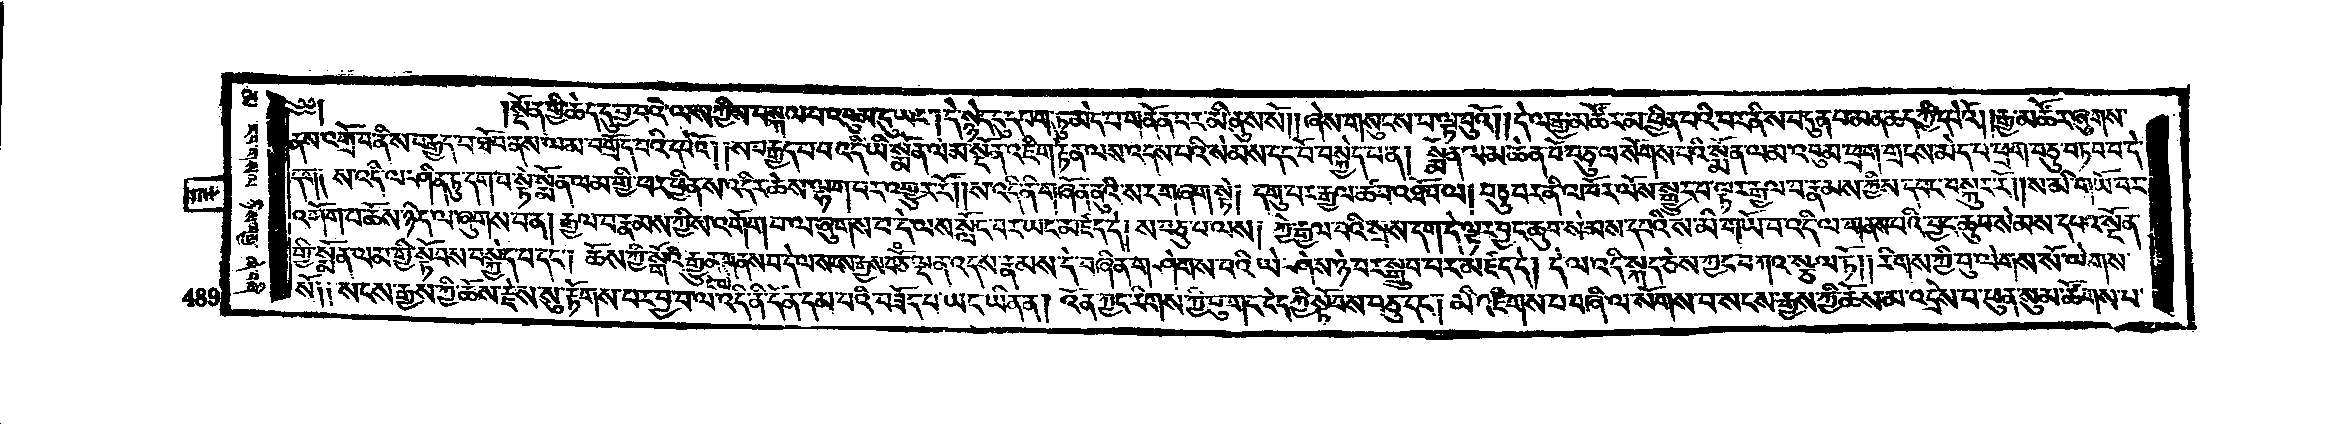༄༅། །སྔོན་གྱི་ཆེད་དུ་བྱ་བའི་ལས་ཀྱིས་བསྐལ་པ་འབུམ་དུ་ཡང་། དེ་སྙེད་དུ་དཔག་ཏུ་མེད་པ་གནོན་པར་མི་ནུས་སོ། །ཞེས་གསུངས་པ་ལྟ་བུའོ། །དེ་ལ་རྒྱ་མཚོར་མ་ཕྱིན་པའི་བར་ནི་ས་བདུན་པ་མན་ཆད་ཀྱི་དཔེའོ། །རྒྱ་མཚོར་ཞུགས་
ནས་འགྲོ་བ་ནི་ས་བརྒྱད་པ་ཐོབ་ནས་ལམ་བགྲོད་པའི་དཔེའོ། །ས་བརྒྱད་པ་བ་འདི་ཡི་སྨོན་ལམ་སྔོན་འཇིག་རྟེན་ལས་འདས་པའི་སེམས་དང་པོ་བསྐྱེད་པ་ན། སྨོན་ལམ་ཆེན་པོ་བཅུ་ལ་སོགས་པའི་སྨོན་ལམ་འབུམ་ཕྲག་གྲངས་མེད་པ་ཕྲག་བཅུ་བཏབ་པ་དེ་
དག །ས་འདི་ལ་ཤིན་ཏུ་དག་པ་སྟེ་སྨོན་ལམ་གྱི་ཕར་ཕྱིན་ས་འདིར་ཆེས་ལྷག་པར་འགྱུར་རོ། །ས་འདི་ནི་གཞོན་ནུའི་སར་གཞག་སྟེ། དགུ་པར་རྒྱལ་ཚབ་འཐོབ་ལ། བཅུ་པར་ནི་འཁོར་ལོས་སྒྱུར་བ་ལྟར་རྒྱལ་བ་རྣམས་ཀྱིས་དབང་བསྐུར་རོ། །ས་མི་གཡོ་བར་
འགོག་པ་ཆོས་ཉིད་ལ་ཞུགས་པ་ན། རྒྱལ་བ་རྣམས་ཀྱིས་འགོག་པ་ལ་ཞུགས་པ་དེ་ལས་སློང་བར་ཡང་མཛད་དེ། ས་བཅུ་པ་ལས། ཀྱེ་རྒྱལ་བའི་སྲས་དག་དེ་ལྟར་བྱང་ཆུབ་སེམས་དཔའི་ས་མི་གཡོ་བ་འདི་ལ་གནས་པའི་བྱང་ཆུབ་སེམས་དཔའ་སྔོན་
གྱི་སྨོན་ལམ་གྱི་སྟོབས་བསྐྱེད་པ་དང་། ཆོས་ཀྱི་སྒོའི་རྒྱུན་དེ་ལ་གནས་པ་དེ་ལ་སངས་རྒྱས་བཅོམ་ལྡན་འདས་རྣམས་དེ་བཞིན་གཤེགས་པའི་ཡེ་ཤེས་ཉེ་བར་སྒྲུབ་པར་མཛད་དེ། དེ་ལ་འདི་སྐད་ཅེས་ཀྱང་བཀའ་སྩལ་ཏོ། །རིགས་ཀྱི་བུ་ལེགས་སོ་ལེགས་
སོ། །སངས་རྒྱས་ཀྱི་ཆོས་རྗེས་སུ་རྟོགས་པར་བྱ་བ་ལ་འདི་ནི་དོན་དམ་པའི་བཟོད་པ་ཡང་ཡིན་ནོ། འོན་ཀྱང་རིགས་ཀྱི་བུ་གང་ངེད་ཀྱི་སྟོབས་བཅུ་དང་། མི་འཇིགས་པ་བཞི་ལ་སོགས་པ་སངས་རྒྱས་ཀྱི་ཆོས་མ་འདྲེས་པ་ཕུན་སུམ་ཚོགས་པ་